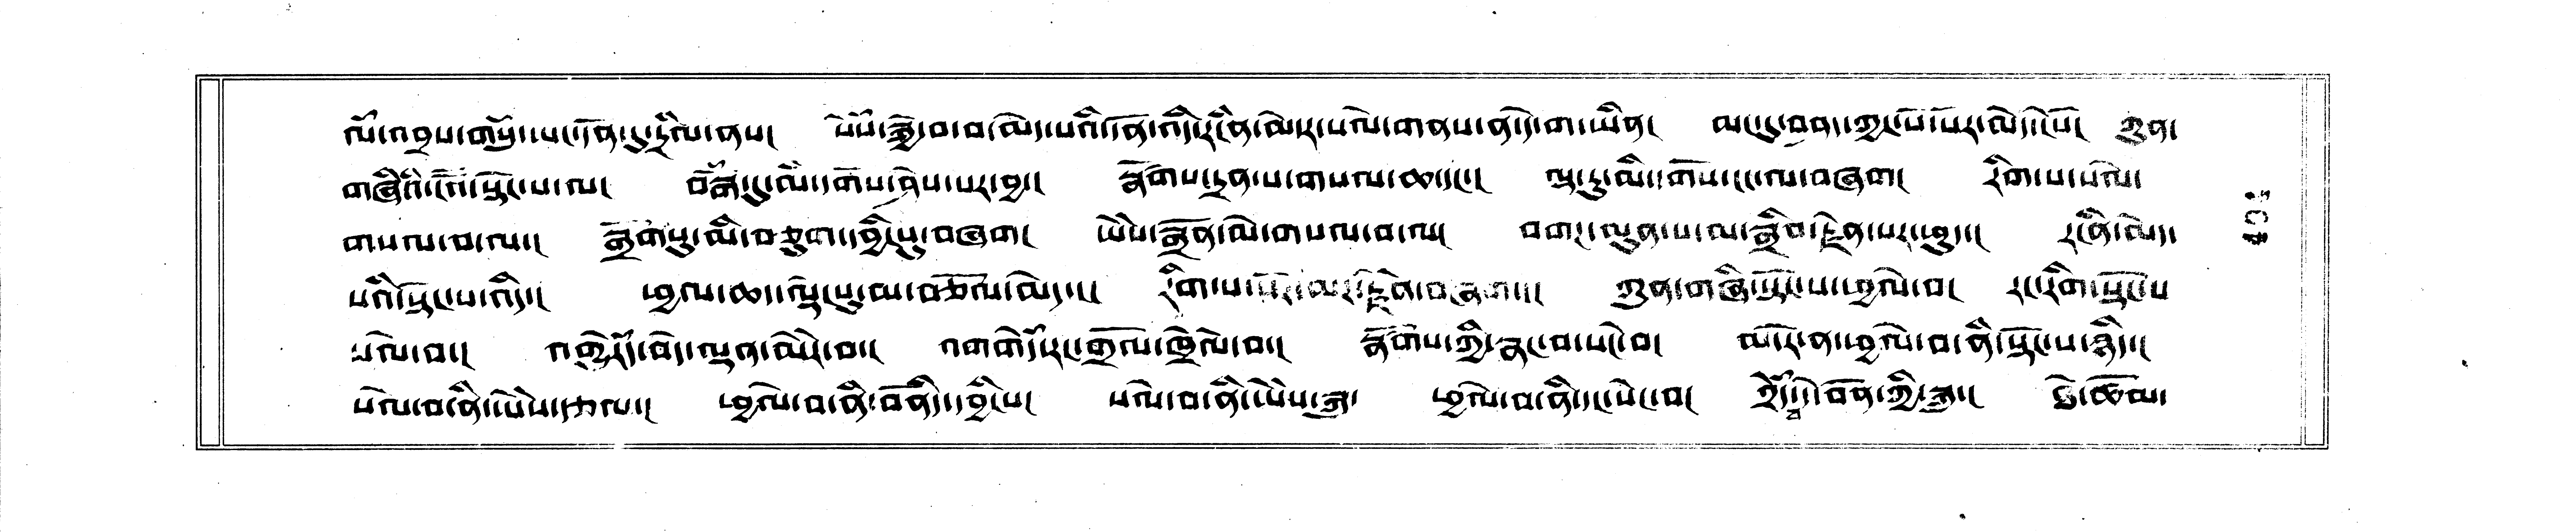ལམ་འབྲས་གསུམ་ཀྱང་དོན་དུ་དྲིལ་ནས་སེམས་སྐྱེ་བ་མེད་པའི་དོན་འདི། རང་བཞིན་མེད་པའི་(པར)སལེ་གནས་ན་དོན་དེ་ཀ་ཡིན། གཞི་ལམ་འབྲས་གསུམ་མང་དུ་བཤད་ཀྱང་སྟེ་སོ་སོར་མེད་ངེས་སོ། ཀུན་
གཞིའི་ངོའོ་སྟོང་པ་ལ། སྒོམ་དུ་མི་དགོས་ཤེས་པར་བྱ། སྣ་ཚོགས་དྲན་པ་གསལ་བ་ལ། ལྟ་རུ་མི་དགོས་ངང་ལ་བཞག རིག་པ་སལེ་
གསལ་བ་ལ། སྒྲོགས་སུ་མི་བཅུག་དབྱིངས་སུ་བཞག ཡེ་ཤེས་སྒྲིབ་མེད་གསལ་བ་ལ། བག་ཆགས་ཀྱི་མུན་པས་མ་སྒྲིབ་རྗེན་པར་ཕུད། རང་བཞིན་མེད་
པའི་སྟོང་པ་འདི། ཕྱལ་ཆད་རྡེངས་སུ་མ་བཅོལ་ལ། རིག་པ་སོ་མར་རྗེན་ནེ་བཞག ཀུན་གཞི་སྟོང་པ་ཕྱལ་ལེ་བ། རང་རིག་ཤེས་པ་
སལེ་ན། འགྱུར་མེད་རྡིང་ལྡན་མེ་རེ་བ། གྷག་(འགག)མེད་རང་ཤར་ཁྲོལ་ལེ་བ། སྣ་ཚོགས་སྣང་བ་སང་ངེ་བ། མདོར་ན་ཕྱ་ལེ་བ་འདི་སྟོང་པ་ཉིད། 
སལེ་བ་འདི་ཡེ་ཤེས་རྩལ། ཕྱ་ལེ་བ་ནི་བོན་ཉིད་དབྱིངས། སལེ་བ་ནི་ཡེ་ཤེས་སྐུ། ཕྱ་ལེ་བ་དང་སང་ངེ་བ། གཉིས་སུ་མེད་པ་བོན་གྱིས་༼གྱི༽སྐུ། ཐེ་ཚོམ་